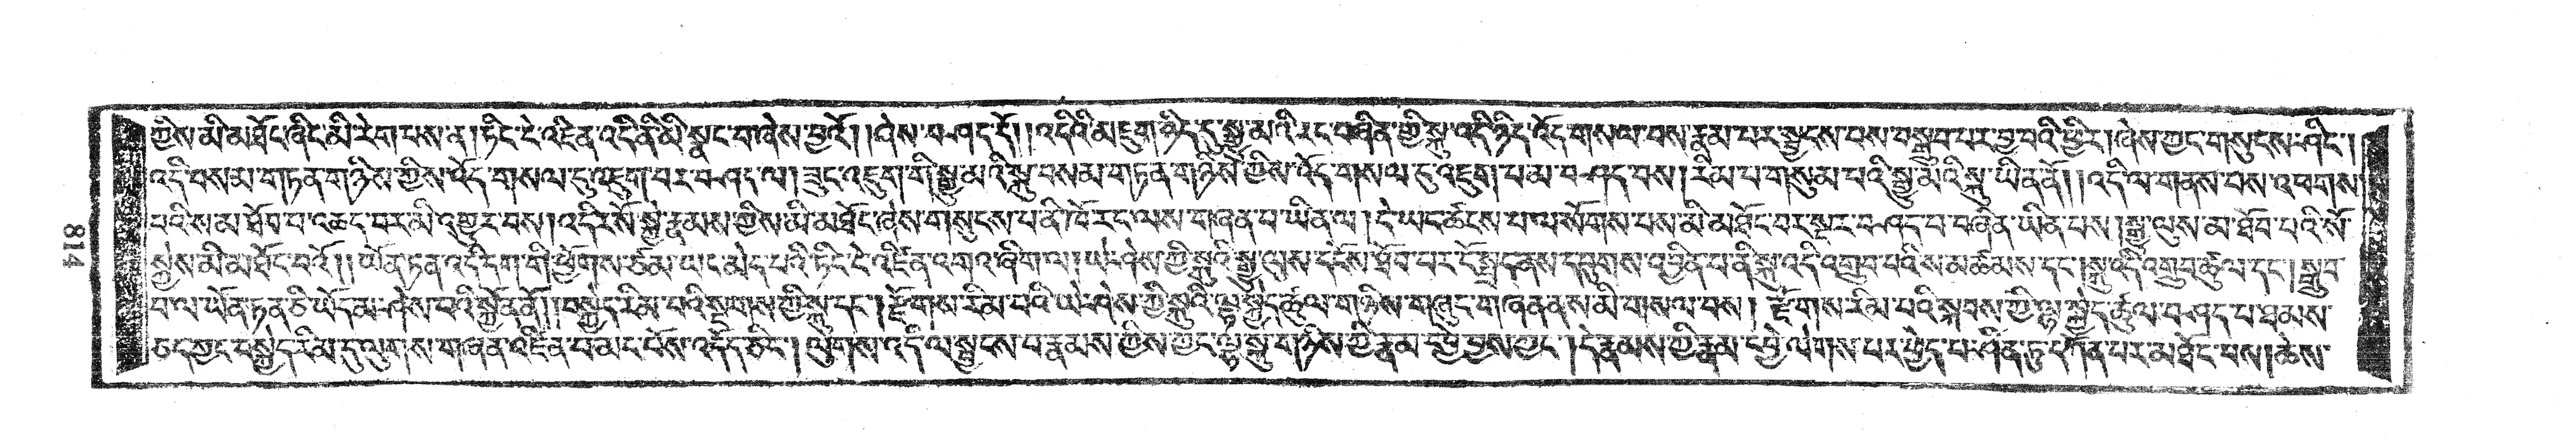ཀྱིས་མི་མཐོང་ཞིང་མི་རེག་པས་ན། ཏིང་ངེ་འཛིན་འདི་ནི་མི་སྣང་བ་ཞེས་བྱའོ། །ཞེས་བཤད་དོ། །འདིའི་མཇུག་ཉིད་དུ་སྒྱུ་མའི་རང་བཞིན་གྱི་སྐུ་འདི་ཉིད་འོད་གསལ་བས་རྣམ་པར་སྦྱངས་པས་བསྒྲུབ་པར་བྱ་བའི་ཕྱིར། ཞེས་ཀྱང་གསུངས་ཤིང་།
འདི་བསམ་གཏན་གཉིས་ཀྱིས་འོད་གསལ་དུ་འཇུག་པར་བཤད་ལ། ཟུང་འཇུག་གི་སྒྱུ་མའི་སྐུ་བསམ་གཏན་གཉིས་ཀྱིས་འོད་གསལ་དུ་འཇུག་པ་མ་བཤད་པས། རིམ་པ་གསུམ་པའི་སྒྱུ་མའི་སྐུ་ཡིན་ནོ། །འདི་ལ་གནས་པས་འཕགས་
པའི་ས་མ་ཐོབ་པ་འཆད་བར་མི་འགྱུར་བས། འདིར་སོ་སྐྱེ་རྣམས་ཀྱིས་མི་མཐོང་ཞེས་གསུངས་པ་ནི་ཁོ་རང་ལས་གཞན་པ་ཡིན་ལ། དེ་ཡང་ཚངས་པ་ལ་སོགས་པས་མི་མཐོང་བར་སྔར་བཤད་པ་བཞིན་ཡིན་པས། སྒྱུ་ལུས་མ་ཐོབ་པའི་སོ་
སྐྱེས་མི་མཐོང་བའོ། །ཡོན་ཏན་འདི་དག་གི་ཕྱོགས་ཙམ་ཡང་མེད་པའི་ཏིང་ངེ་འཛིན་འགའ་ཞིག་ལ། ཡེ་ཤེས་ཀྱི་སྐུའི་སྒྱུ་ལུས་དངོས་ཐོབ་པར་ངོ་སྤྲད་ནས་དབུགས་འབྱིན་པ་ནི་སྐུ་འདི་འགྲུབ་པའི་ས་མཚམས་དང་། སྐུ་འདི་འགྲུབ་ཚུལ་དང་། སྒྲུབ་
པ་ལ་ཡོན་ཏན་ཅི་ཡོད་མ་ཤེས་པའི་སྐྱོན་ནོ། །བསྐྱེད་རིམ་པའི་སྔགས་ཀྱི་སྐུ་དང་། རྫོགས་རིམ་པའི་ཡེ་ཤེས་ཀྱི་སྐུའི་ལྷ་སྐྱེད་ཚུལ་གཉིས་གཞུང་གཞན་ནས་མི་གསལ་བས། རྫོགས་རིམ་པའི་སྐབས་ཀྱི་ལྷ་སྐྱེད་ཚུལ་བཤད་པ་ཐམས་
ཅད་ཀྱང་བསྐྱེད་རིམ་དུ་ལུགས་གཞན་འཛིན་པ་མང་པོས་འདོད་ཅིང་། ལུགས་འདི་ལ་སྦྱངས་པ་རྣམས་ཀྱིས་ཀྱང་ལྷ་སྐུ་གཉིས་ཀྱི་རྣམ་དབྱེ་བྱས་ཀྱང་། དེ་རྣམས་ཀྱི་རྣམ་དབྱེ་ལེགས་པར་ཕྱེད་པ་ཤིན་ཏུ་དཀོན་པར་མཐོང་བས། ཆེས་